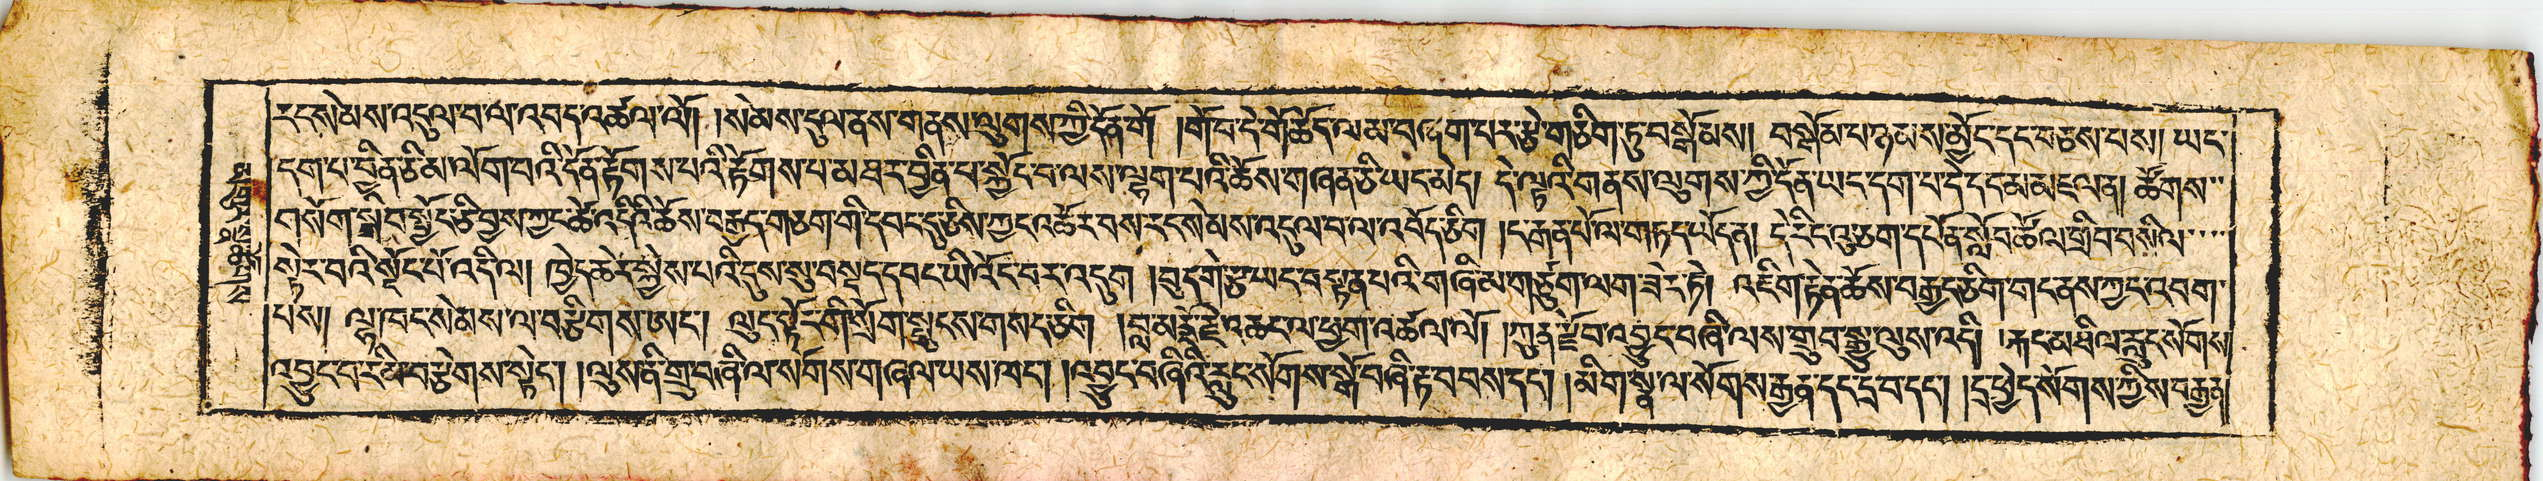རང་སེམས་འདུལ་བ་ལ་འབད་འཚལ་ལོ། །སེམས་དུལ་ནས་གནས་ལུགས་ཀྱི་དོན་གོ །གོ་བ་དེ་གོ་ཚོད་ལ་མ་བཞག་པར་རྩེ་གཅིག་ཏུ་བསྒོམས། བསྒོམ་པ་ཉམས་མྱོང་དང་བཅས་པས། ཡང་
དག་པ་ཕྱིན་ཅི་མ་ལོག་པའི་དོན་རྟོགས་པའི་རྟོགས་པ་མཐར་ཕྱིན་པ་སྐྱོང་བ་ལས་ལྷག་པའི་ཆོས་གཞན་ཅི་ཡང་མེད། དེ་ལྟའི་གནས་ལུགས་ཀྱི་དོན་ཡང་དག་པ་དེ་དང་མ་མཇལ་ན། ཚོགས་
གསོག་སྒྲིབ་སྦྱོང་ཅི་བྱས་ཀྱང་ཚེ་འདིའི་ཆོས་བརྒྱད་གཅིག་གི་དབང་དུ་རྩིས་ཀྱང་འཆོར་བས་རང་སེམས་འདུལ་བ་ལ་འབོད་ཅིག །ང་རྒན་པོ་ལ་གཏད་ཡོད་ན། དེ་རིང་འུ་ཆག་དཔོན་སློབ་ཚོ་ལ་གྲིབ་བསིལ་
སྟེར་བའི་སྡོང་པོ་འདི་ལ། ཁྱེད་ཆེར་སྐྱེས་པའི་དུས་སུ་བསྡད་དབང་ཡེ་འོང་བར་འདུག །བུ་དགེ་རྩ་ཡང་བསྟན་པའི་གཞི་མ་གཙུག་ལག་ཟེར་ཏེ། འཇིག་རྟེན་ཆོས་བརྒྱད་ཅིག་གང་ནས་ཀྱང་འབག་
པས། ལྷ་ཁང་སེམས་ལ་བརྩིགས་ཨང་། ལུང་སྟོང་གི་སྲོག་སྤུངས་གསང་ཅིག །བླ་མ་རྡོ་རྗེ་འཆང་ལ་ཕྱག་འཚལ་ལོ། །ཀུན་རྫོབ་འབྱུང་བཞི་ལས་གྲུབ་སྒྱུ་ལུས་འདི། རྐང་མཐིལ་རླུང་སོགས་
འབྱུང་བ་རིམ་བརྩེགས་སྟེང་། །ལུས་ནི་གྲུ་བཞི་ལ་སོགས་གཞལ་ཡས་ཁང་། །འབྱུང་བཞིའི་རླུང་སོགས་སྒོ་བཞི་རྟ་བབས་དང་། །མིག་སྣ་ལ་སོགས་རྒྱན་དང་དྲི་བ་དང་། །དྲྭ་ཕྱེད་སོགས་ཀྱིས་བརྒྱན་